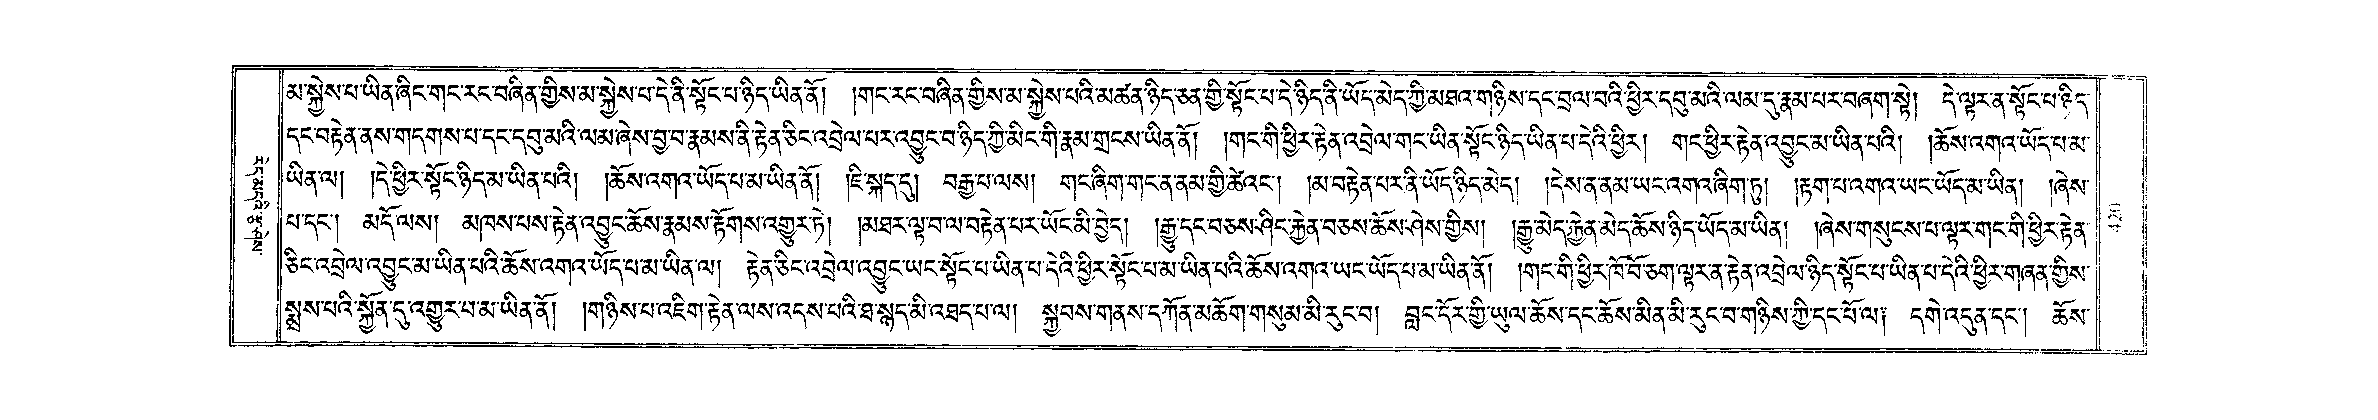མ་སྐྱེས་པ་ཡིན་ཞིང་གང་རང་བཞིན་གྱིས་མ་སྐྱེས་པ་དེ་ནི་སྟོང་པ་ཉིད་ཡིན་ནོ། །གང་རང་བཞིན་གྱིས་མ་སྐྱེས་པའི་མཚན་ཉིད་ཅན་གྱི་སྟོང་པ་དེ་ཉིད་ནི་ཡོད་མེད་ཀྱི་མཐའ་གཉིས་དང་བྲལ་བའི་ཕྱིར་དབུ་མའི་ལམ་དུ་རྣམ་པར་བཞག་སྟེ། དེ་ལྟར་ན་སྟོང་པ་ཉིད་
དང་བརྟེན་ནས་གདགས་པ་དང་དབུ་མའི་ལམ་ཞེས་བྱ་བ་རྣམས་ནི་རྟེན་ཅིང་འབྲེལ་པར་འབྱུང་བ་ཉིད་ཀྱི་མིང་གི་རྣམ་གྲངས་ཡིན་ནོ། །གང་གི་ཕྱིར་རྟེན་འབྲེལ་གང་ཡིན་སྟོང་ཉིད་ཡིན་པ་དེའི་ཕྱིར། གང་ཕྱིར་རྟེན་འབྱུང་མ་ཡིན་པའི། །ཆོས་འགའ་ཡོད་པ་མ་
ཡིན་ལ། །དེ་ཕྱིར་སྟོང་ཉིད་མ་ཡིན་པའི། །ཆོས་འགའ་ཡོད་པ་མ་ཡིན་ནོ། །ཇི་སྐད་དུ། བརྒྱ་པ་ལས། གང་ཞིག་གང་ན་ནམ་གྱི་ཚེའང་། །མ་བརྟེན་པར་ནི་ཡོད་ཉིད་མེད། །དེས་ན་ནམ་ཡང་འགའ་ཞིག་ཏུ། །རྟག་པ་འགའ་ཡང་ཡོད་མ་ཡིན། །ཞེས་
པ་དང་། མདོ་ལས། མཁས་པས་རྟེན་འབྱུང་ཆོས་རྣམས་རྟོགས་འགྱུར་ཏེ། །མཐར་ལྟ་བ་ལ་བརྟེན་པར་ཡོང་མི་བྱེད། །རྒྱུ་དང་བཅས་ཤིང་རྐྱེན་བཅས་ཆོས་ཤེས་གྱིས། །རྒྱུ་མེད་རྐྱེན་མེད་ཆོས་ཉིད་ཡོད་མ་ཡིན། །ཞེས་གསུངས་པ་ལྟར་གང་གི་ཕྱིར་རྟེན་
ཅིང་འབྲེལ་འབྱུང་མ་ཡིན་པའི་ཆོས་འགའ་ཡོད་པ་མ་ཡིན་ལ། རྟེན་ཅིང་འབྲེལ་འབྱུང་ཡང་སྟོང་པ་ཡིན་པ་དེའི་ཕྱིར་སྟོང་པ་མ་ཡིན་པའི་ཆོས་འགའ་ཡང་ཡོད་པ་མ་ཡིན་ནོ། །གང་གི་ཕྱིར་ཁོ་བོ་ཅག་ལྟར་ན་རྟེན་འབྲེལ་ཉིད་སྟོང་པ་ཡིན་པ་དེའི་ཕྱིར་གཞན་གྱིས་
སྨྲས་པའི་སྐྱོན་དུ་འགྱུར་པ་མ་ཡིན་ནོ། །གཉིས་པ་འཇིག་རྟེན་ལས་འདས་པའི་ཐ་སྙད་མི་འཐད་པ་ལ། སྐྱབས་གནས་དཀོན་མཆོག་གསུམ་མི་རུང་བ། བླང་དོར་གྱི་ཡུལ་ཆོས་དང་ཆོས་མིན་མི་རུང་བ་གཉིས་ཀྱི་དང་པོ་ལ། དགེ་འདུན་དང་། ཆོས་